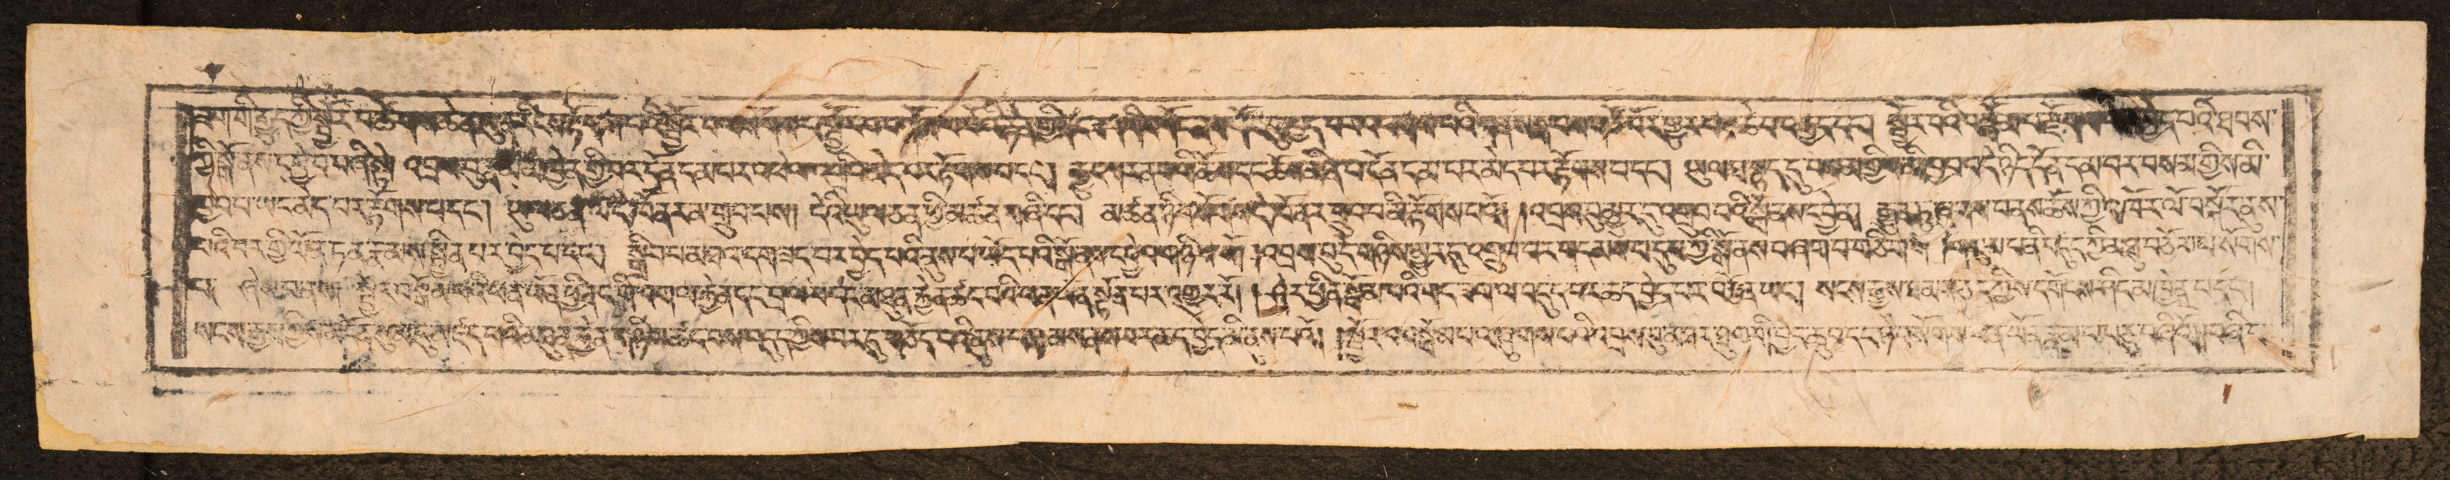ཟག་གི་རྒྱུད་ཀྱི་སྦྱོར་བ་ཚེགས་ཆེན་ཡུན་རིངས་རྟོགས་པའི་སྦྱོར་བ་ལ་སོགས་པ་སྦྱོར་བ་བསྒོམ་པ་པོའི་རྟེན་གྱི་གང་ཟག་གིས་གོང་ནས་གོང་དུ་ཁྱད་པར་འཕགས་པའི་གནས་སྐབས་གཙོ་བོར་གྱུར་པས་ཆེ་བ་བརྒྱད་དང་། སྦྱོར་བའི་བསྒོམ་པ་རྫོགས་པར་བྱེད་པའི་ཐབས་
ཀྱི་སྒོ་ནས་དབྱེ་བ་བཞི་སྟེ། འབྲས་བུ་རྣམ་མཁྱེན་གྱི་བར་དོན་དམ་པར་འཕེལ་འགྲིབ་མེད་པར་རྟོགས་པ་དང་། རྒྱུ་དཀར་ནག་གི་ཆོས་དང་ཆོས་མིན་པ་དོན་དམ་པར་མེད་པར་རྟོགས་པ་དང་། ཡུལ་ཐ་སྙད་དུ་བསམ་གྱིས་མི་ཁྱབ་པ་དེ་ཉིད་དོན་དམ་པར་བསམ་གྱིས་མི་
ཁྱབ་པ་ཡང་མེད་པར་རྟོགས་པ་དང་། ཡུལ་ཅན་ལ་དེ་ཁོ་ནར་མ་གྲུབ་པས། དེའི་ཡུལ་ཅན་གྱི་མཚན་གཞི་དང་། མཚན་ཉིད་སོགས་དེ་ཁོ་ནར་གྲུབ་པ་མི་རྟོགས་པའོ། །འབྲས་བུ་མྱུར་དུ་འགྲུབ་པའི་སྒོ་ནས་དབྱེ་ན། རྒྱུན་ཏུ་ཞུགས་པ་ནས་ཆོས་ཀྱི་འཁོར་ལོ་བསྐོར་ནུས་
པའི་བར་གྱི་ཡོན་ཏན་རྣམས་སྦྱིན་པར་བྱེད་པ་དང་། སྒྲིབ་པ་མཐའ་དག་ཟད་པར་བྱེད་པའི་ནུས་པ་ཡོད་པའི་སྒོ་ནས་དབྱེ་བ་གཉིས་སོ། །འབྲས་བུ་དེ་གཉིས་མྱུར་དུ་འགྲུབ་པར་གདམས་པ་དུས་ཀྱི་སྒོ་ནས་བཞག་པ་གཅིག་གོ །གསུམ་པ་ནི་བདུད་ཀྱི་མཐུ་བཅོམ་ལ་སོགས་
པ། ཞེས་པ་ནས། སྦྱོར་བ་སྒོམ་པའི་ཕན་ཡོན་ཕྱི་ནང་གི་འགལ་རྐྱེན་དང་བྲལ་བ་དང་མཐུན་རྐྱེན་ཚང་བའི་ཕན་ཡོན་སྟོན་པར་འགྱུར་རོ། །ཤེར་ཕྱིན་སྒོམ་པའི་གང་ཟག་ལ་བདུད་བར་ཆད་བྱེད་པར་བརྩོན་ཡང་། སངས་རྒྱས་ཐམས་ཅད་ཀྱིས་དགོངས་ཤིང་མཁྱེན་པ་དང་།
སངས་རྒྱས་ཀྱིས་མངོན་སུམ་དུ་མཛད་པའི་མཐུན་རྐྱེན་གཉིས་ཚང་བས་བདུད་ཀྱིས་བར་དུ་གཅོད་པའི་ནུས་པ་ཉམས་ནས་བར་ཆད་བྱེད་མི་ནུས་པའོ། །སྦྱོར་བ་བསྒོམ་པ་ལ་ཞུགས་པའི་འབྲས་བུ་མཐར་ཐུག་གི་བྱང་ཆུབ་དང་ཉེ་བ་སོགས་ཕན་ཡོན་རྣམ་པ་བཅུ་བཞིའོ། །བཞི་པ་